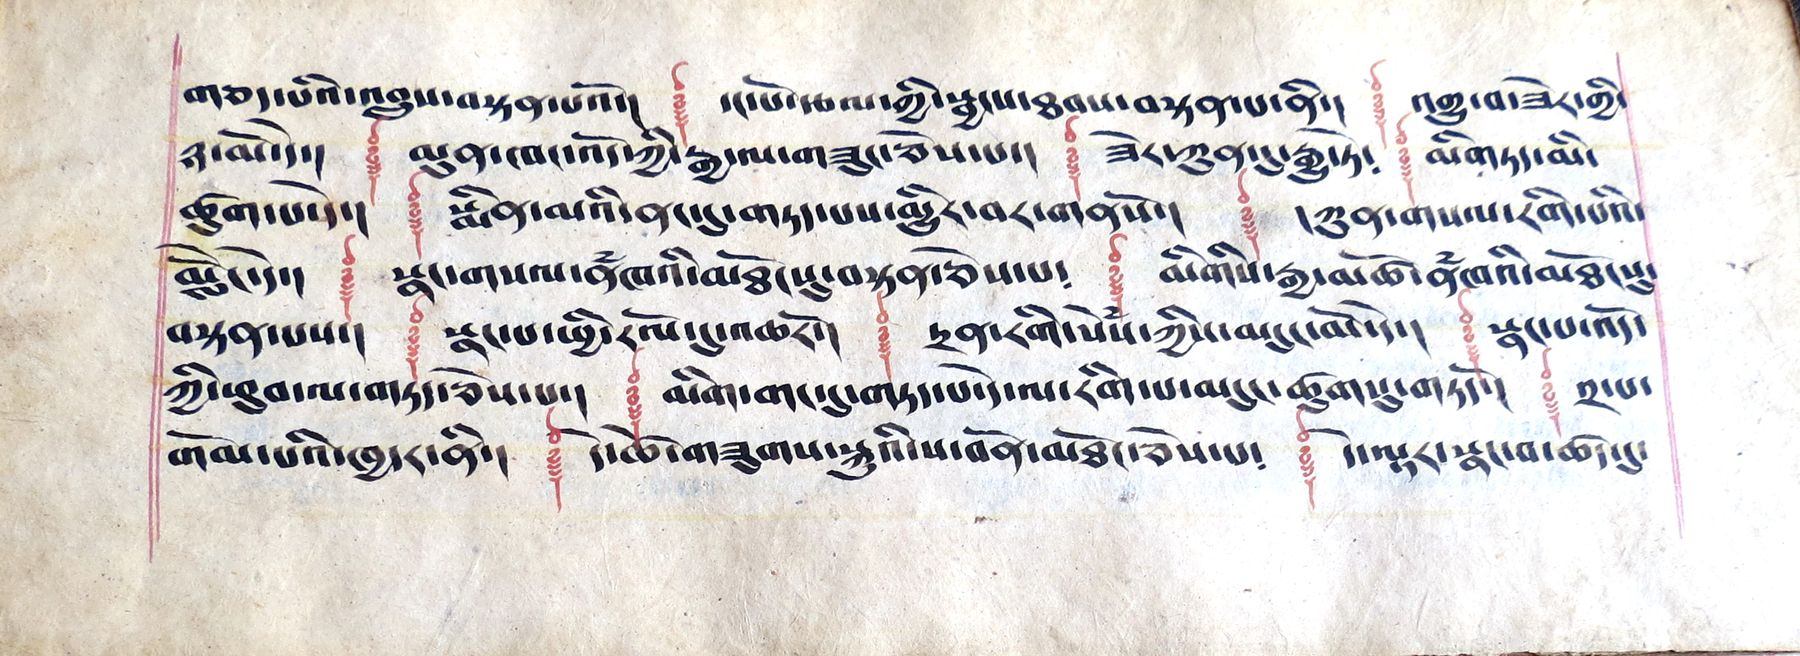བཅད་པའི་འབྲས་བུ་བསྟན་པའོ། །དང་པོ་རྩལ་གྱི་སྦྱང་ཐབས་བསྟན་པ་ནི། འགྱུ་བ་གསེར་གྱི་
ཉ་མོ་དེ། མུན་ཁང་འོད་ཀྱི་རྒྱ་ལ་བཟུང་། །ཞེས་པས། ཟེར་ཀུན་ཏུ་འགྱུ་སྟེ། མིག་གཏད་མི་
ཚུགས་པ་དེ། སྨིན་མའི་ནང་དུ་གཏད་པས་མི་འགྱུར་བར་གནས་སོ། །ཀུན་གསལ་རིག་པའི་
མེ་ལོང་དེ། སྣང་གསལ་ནམ་མཁའི་མཐོངས་སུ་བསྟན། །ཞེས་པས། མིག་གི་རྒྱ་མཚོ་ནམ་མཁའི་མཐོངས་སུ་
བསྟན་པས། སྣང་བ་ཕྱི་རོལ་དུ་འཆར་རོ། །དྲན་རིག་སེམས་ཀྱི་མདུང་མོ་དེ། སྣང་བ་འོད་
ཀྱི་ཕུབ་ལ་གཏད། །ཅེས་པས། མིག་གང་དུ་གཏད་པ་དེ་ལ་རིག་པ་མདུང་ཚུགས་སུ་གཏད་དོ། །གཉིས་པ་
གོམས་པའི་ཁྱད་པར་ནི། དེ་ཚེ་གཟུགས་སྐུའི་ས་བོན་མཐོང་། །ཞེས་པས། དེ་ལྟར་སྣང་བ་ཚད་དུ་